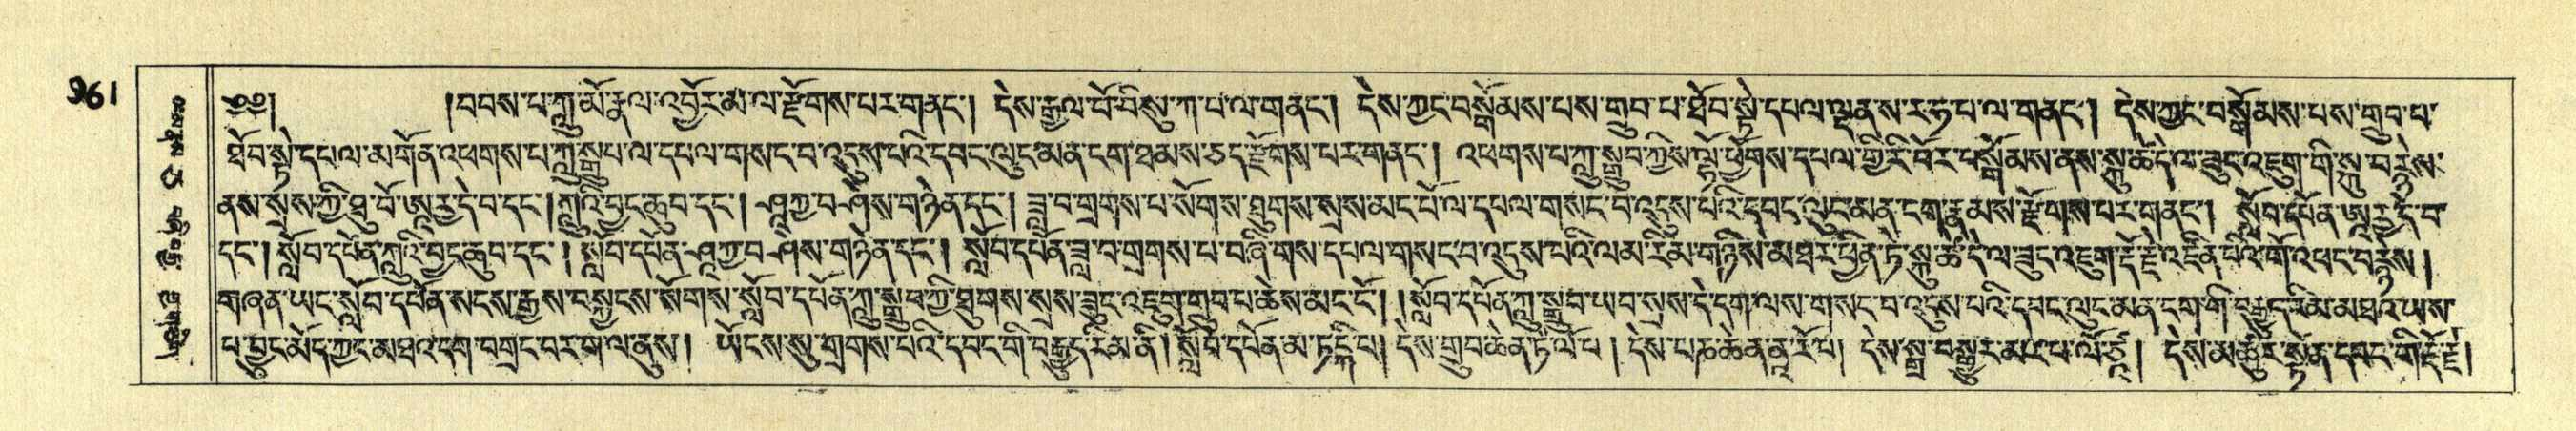༄༅། །བབས་པ་ཀླུ་མོ་རྣལ་འབྱོར་མ་ལ་རྫོགས་པར་གནང་། དེས་རྒྱལ་པོ་བི་སུ་ཀ་པ་ལ་གནང་། དེས་ཀྱང་བསྒོམས་པས་གྲུབ་པ་ཐོབ་སྟེ་དཔལ་ལྡན་ས་ར་ཧ་པ་ལ་གནང་། དེས་ཀྱང་བསྒོམས་པས་གྲུབ་པ་
ཐོབ་སྟེ་དཔལ་མགོན་འཕགས་པ་ཀླུ་སྒྲུབ་ལ་དཔལ་གསང་བ་འདུས་པའི་དབང་ལུང་མན་ངག་ཐམས་ཅད་རྫོགས་པར་གནང་། འཕགས་པ་ཀླུ་སྒྲུབ་ཀྱིས་ལྷོ་ཕྱོགས་དཔལ་གྱི་རི་བོར་བསྒོམས་ནས་སྐུ་ཚེ་དེ་ལ་ཟུང་འཇུག་གི་སྐུ་བརྙེས་
ནས་སྲས་ཀྱི་ཐུ་བོ་ཨཱརྱ་དེ་བ་དང་། ཀླུའི་བྱང་ཆུབ་དང་། ཤཱཀྱ་བཤེས་གཉེན་དང་། ཟླ་བ་གྲགས་པ་སོགས་ཐུགས་སྲས་མང་པོ་ལ་དཔལ་གསང་བ་འདུས་པའི་དབང་ལུང་མན་ངག་རྣམས་རྫོགས་པར་གནང་། སློབ་དཔོན་ཨཱརྱ་དེ་བ་
དང་། སློབ་དཔོན་ཀླུའི་བྱང་ཆུབ་དང་། སློབ་དཔོན་ཤཱཀྱ་བཤེས་གཉེན་དང་། སློབ་དཔོན་ཟླ་བ་གྲགས་པ་བཞི་གས་དཔལ་གསང་བ་འདུས་པའི་ལམ་རིམ་གཉིས་མཐར་ཕྱིན་ཏེ་སྐུ་ཚེ་དེ་ལ་ཟུང་འཇུག་རྡོ་རྗེ་འཛིན་པའི་གོ་འཕང་བརྙེས།
གཞན་ཡང་སློབ་དཔོན་སངས་རྒྱས་བསྐྱངས་སོགས་སློབ་དཔོན་ཀླུ་སྒྲུབ་ཀྱི་ཐུགས་སྲས་ཟུང་འཇུག་གྲུབ་པ་ཆེས་མང་ངོ། །སློབ་དཔོན་ཀླུ་སྒྲུབ་ཡབ་སྲས་དེ་དག་ལས་གསང་བ་འདུས་པའི་དབང་ལུང་མན་ངག་གི་བརྒྱུད་རིམ་མཐའ་ཡས་
པ་བྱུང་མོད་ཀྱང་མཐའ་དག་བགྲང་བར་ག་ལ་ནུས། ཡོངས་སུ་གྲགས་པའི་དབང་གི་བརྒྱུད་རིམ་ནི། སློབ་དཔོན་མ་ཏངྐི་པ། དེས་གྲུབ་ཆེན་ཏེ་ལོ་པ། དེས་པཎ་ཆེན་ནཱ་རོ་པ། དེས་སྒྲ་བསྒྱུར་མར་པ་ལོ་ཙཱ། དེས་མཚུར་སྟོན་དབང་གི་རྡོ་རྗེ།